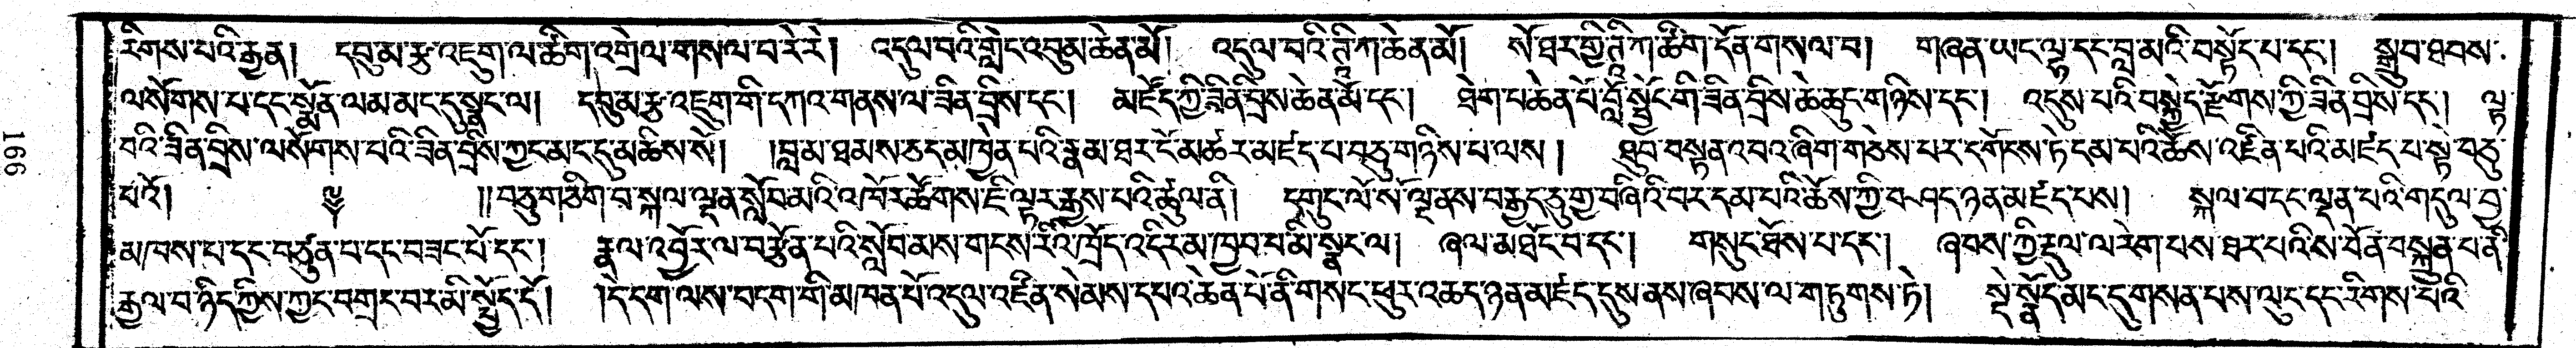རིགས་པའི་རྒྱན། དབུ་མ་རྩ་འཇུག་ལ་ཚིག་འགྲེལ་གསལ་བ་རེ་རེ། འདུལ་བའི་གླེང་འབུམ་ཆེན་མོ། འདུལ་བའི་ཊཱི་ཀ་ཆེན་མོ། སོ་ཐར་གྱི་ཊཱི་ཀ་ཚིག་དོན་གསལ་བ། གཞན་ཡང་ལྷ་དང་བླ་མའི་བསྟོད་པ་དང་། སྒྲུབ་ཐབས་
ལ་སོགས་པ་དང་སྨོན་ལམ་མང་དུ་སྣང་ལ། དབུ་མ་རྩ་འཇུག་གི་དཀའ་གནས་ལ་ཟིན་བྲིས་དང་། མཛོད་ཀྱི་ཟིན་བྲིས་ཆེན་མོ་དང་། ཐེག་པ་ཆེན་པོ་བློ་སྦྱོང་གི་ཟིན་བྲིས་ཆེ་ཆུང་གཉིས་དང་། འདུས་པའི་བསྐྱེད་རྫོགས་ཀྱི་ཟིན་བྲིས་དང་། ལྟ་
བའི་ཟིན་བྲིས་ལ་སོགས་པའི་ཟིན་བྲིས་ཀྱང་མང་དུ་མཆིས་སོ། །བླ་མ་ཐམས་ཅད་མཁྱེན་པའི་རྣམ་ཐར་ངོ་མཚར་མཛད་པ་བཅུ་གཉིས་པ་ལས། ཐུབ་བསྟན་འབའ་ཞིག་གཅེས་པར་དགོངས་ཏེ་དམ་པའི་ཆོས་འཛིན་པའི་མཛད་པ་སྟེ་བཅུ་
པའོ། ༈ །།བཅུ་གཅིག་བ་སྐལ་ལྡན་སློབ་མའི་འཁོར་ཚོགས་ཇི་ལྟར་རྒྱས་པའི་ཚུལ་ནི། དགུང་ལོ་སོ་ལྔ་ནས་བརྒྱད་ཅུ་གྱ་བཞིའི་བར་དམ་པའི་ཆོས་ཀྱི་བཤད་ཉན་མཛད་པས། སྐལ་བ་དང་ལྡན་པའི་གདུལ་བྱ་
མཁས་པ་དང་བཙུན་པ་དང་བཟང་པོ་དང་། རྣལ་འབྱོར་ལ་བརྩོན་པའི་སློབ་མས་གངས་རིའི་ཁྲོད་འདིར་མ་ཁྱབ་པ་མི་སྣང་ལ། ཞལ་མཐོང་བ་དང་། གསུང་ཐོས་པ་དང་། ཞབས་ཀྱི་རྡུལ་ལ་རེག་པས་ཐར་པའི་ས་བོན་བསྐྲུན་པ་ནི་
རྒྱལ་བ་ཉིད་ཀྱིས་ཀྱང་བགྲང་བར་མི་སྤྱོད་དོ། །དེ་དག་ལས་བདག་གི་མཁན་པོ་འདུལ་འཛིན་སེམས་དཔའ་ཆེན་པོ་ནི་གསང་ཕུར་འཆད་ཉན་མཛད་དུས་ནས་ཞབས་ལ་གཏུགས་ཏེ། སྡེ་སྣོད་མང་དུ་གསན་པས་ལུང་དང་རིགས་པའི་